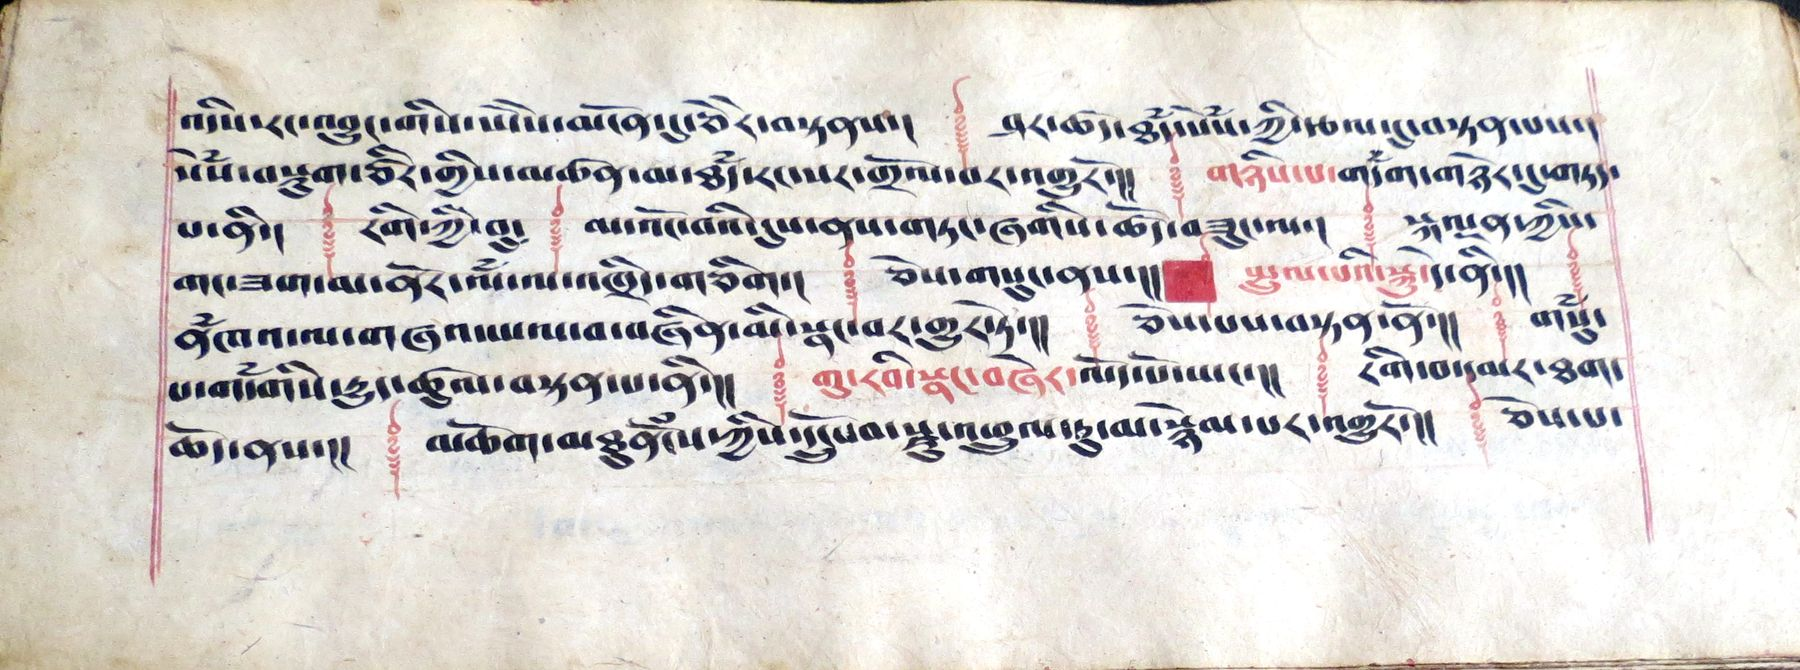འདིས་རང་འབྱུང་གི་ཡེ་ཤེས་མངོན་དུ་ཅེར་རེ་བསྟན་ནས། ཤར་ཚད་ཐམས་ཅད་སེམས་ཀྱི་རྩལ་དུ་བསྟན་པས། 
སེམས་སྡུག་བཙིར་གྱི་མཚན་མ་ཐམས་ཅད་རང་སར་གྲོལ་བར་འགྱུར་རོ། །གཉིས་པ་གདམས་ངག་གཉེར་དུ་གཏད་
པ་ནི། རིགས་ཀྱི་བུ། མ་འོངས་པའི་དུས་ན་གཏང་བཞག་གི་ཚོད་བཟུང་ལ། སྐལ་ལྡན་གྱི་
གང་ཟག་མ་ནོར་ལམ་ལ་ཁྲིད་ཅིག །ཅེས་གསུངས་ནས།ཛ༽ སྤྲུལ་པའི་སྐུ་དེ་ནི། 
ནམ་མཁའ་ལ་གཞའ་ཡལ་བ་བཞིན། མི་སྣང་བར་གྱུར་ཏེ་ཞེས་པས་བསྟན་ཏོ། །གསུམ་
པ་གདམས་ངག་གི་བརྒྱུད་ཚུལ་བསྟན་པ་ནི། གུ་རིབ་སྣང་བཞེར་ལོད་པོ་ཡང་། རིག་པ་དམར་ཐག་
ཆོད་ནས། མཆོག་ཐུན་མོང་གི་རྫུ་འཕྲུལ་དུ་མ་བསྙེམས་པར་གྱུར་ཏོ། །ཞེས་པ་